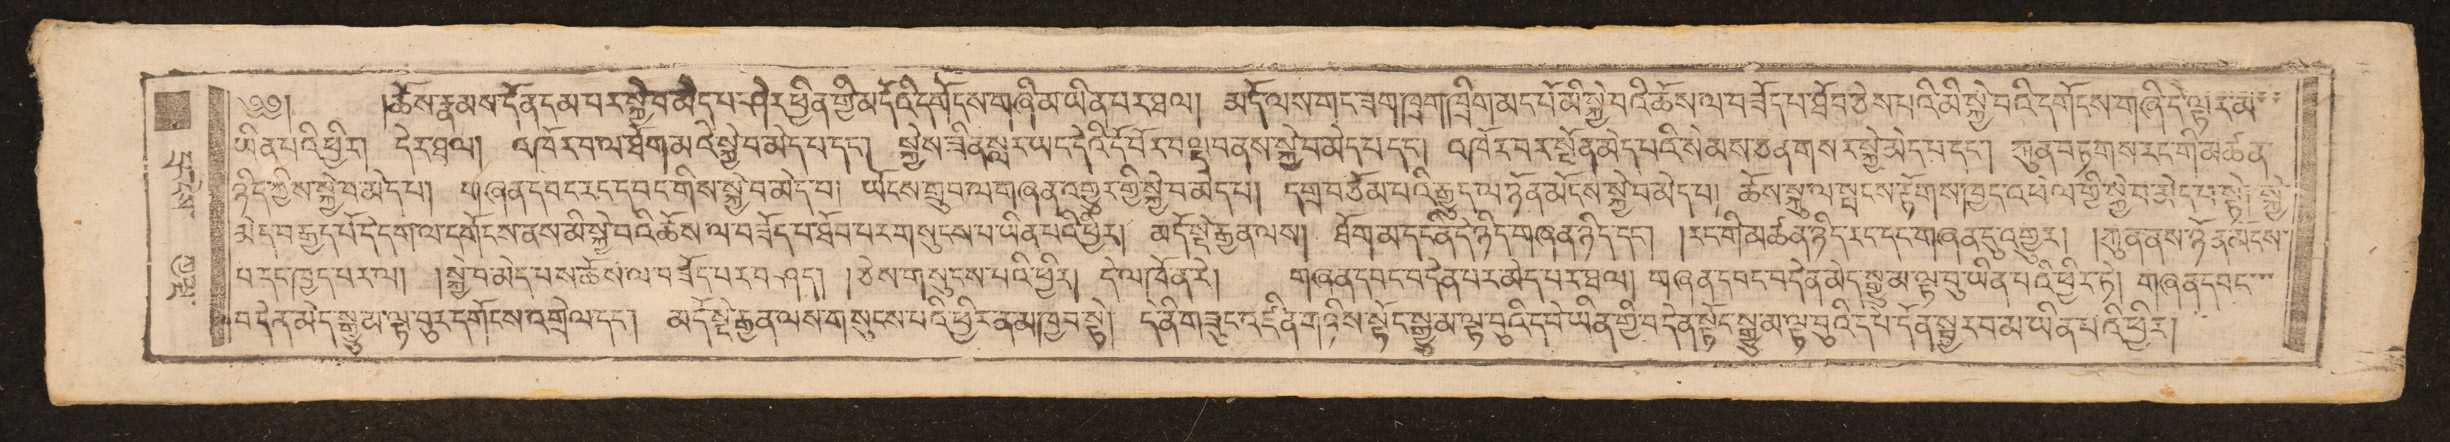༄༅། །ཆོས་རྣམས་དོན་དམ་པར་སྐྱེ་བ་མེད་པ་ཤེར་ཕྱིན་གྱི་མདོའི་དགོངས་གཞི་མ་ཡིན་པར་ཐལ། མདོ་ལས་གང་ཟག་ཁྲག་ཁྲིག་མང་པོ་མི་སྐྱེ་བའི་ཆོས་ལ་བཟོད་པ་ཐོབ་ཅེས་པའི་མི་སྐྱེ་བའི་དགོངས་གཞི་དེ་ལྟར་མ་
ཡིན་པའི་ཕྱིར། དེར་ཐལ། འཁོར་བ་ལ་ཐོག་མའི་སྐྱེ་བ་མེད་པ་དང་། སྐྱེས་ཟིན་སླར་ཡང་དེའི་ངོ་བོར་བལྡབ་ནས་སྐྱེ་བ་མེད་པ་དང་། འཁོར་བར་སྔོན་མེད་པའི་སེམས་ཅན་གསར་སྐྱེ་མེད་པ་དང་། ཀུན་བཏགས་རང་གི་མཚན་
ཉིད་ཀྱིས་སྐྱེ་བ་མེད་པ། གཞན་དབང་དང་དབང་གིས་སྐྱེ་བ་མེད་པ། ཡོངས་གྲུབ་ལ་གཞན་འགྱུར་གྱི་སྐྱེ་བ་མེད་པ། དགྲ་བཅོམ་པའི་རྒྱུད་ལ་ཉོན་མོངས་སྐྱེ་བ་མེད་པ། ཆོས་སྐུ་ལ་སྤངས་རྟོགས་ཁྱད་འཕེལ་གྱི་སྐྱེ་བ་མེད་པ་སྟེ། སྐྱེ་
མེད་བརྒྱད་པོ་དེ་དག་ལ་དགོངས་ནས་མི་སྐྱེ་པའི་ཆོས་ལ་བཟོད་པ་ཐོབ་པར་གསུངས་པ་ཡིན་པའི་ཕྱིར། མདོ་སྡེ་རྒྱན་ལས། ཐོག་མ་དང་ནི་དེ་ཉིད་གཞན་ཉིད་དང་། །རང་གི་མཚན་ཉིད་རང་དང་གཞན་དུ་འགྱུར། །ཀུན་ནས་ཉོན་མོངས་
པ་དང་ཁྱད་པར་ལ། །སྐྱེ་བ་མེད་པས་ཆོས་ལ་བཟོད་པར་བཤད། །ཅེས་གསུངས་པའི་ཕྱིར། དེ་ལ་ཁོ་ན་རེ། གཞན་དབང་བདེན་པར་མེད་པར་ཐལ། གཞན་དབང་བདེན་མེད་སྒྱུ་མ་ལྟ་བུ་ཡིན་པའི་ཕྱིར་ཏེ། གཞན་དབང་
བདེན་མེད་སྒྱུ་མ་ལྟ་བུར་དགོངས་འགྲེལ་དང་། མདོ་སྡེ་རྒྱན་ལས་གསུངས་པའི་ཕྱིར་ན་མ་ཁྱབ་སྟེ། དེ་ནི་གཟུང་འཛིན་གཉིས་སྟོང་སྒྱུ་མ་ལྟ་བུའི་དཔེ་ཡིན་གྱི་བདེན་སྟོང་སྒྱུ་མ་ལྟ་བུའི་དཔེ་དོན་སྦྱར་བ་མ་ཡིན་པའི་ཕྱིར།